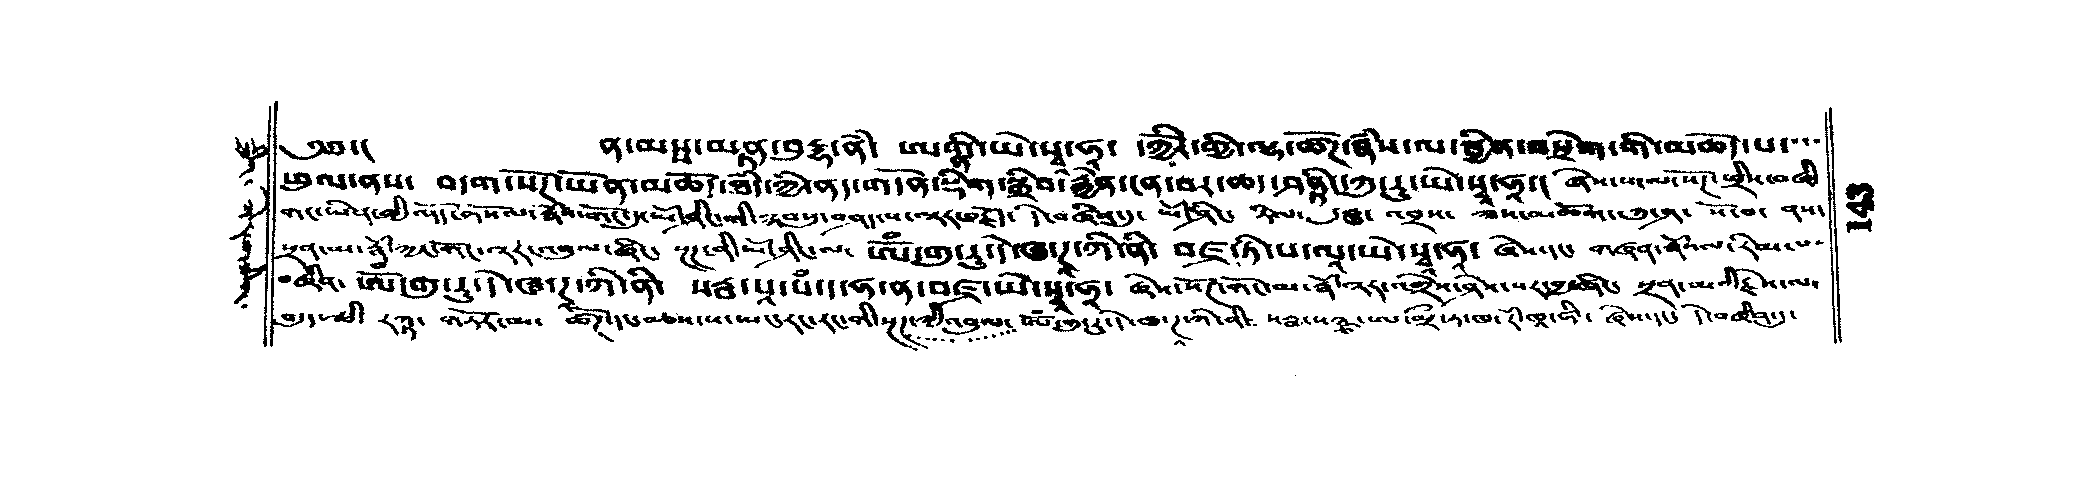ན་མསྶ་མནྟ་བུདྡྷ་ནཾ། ཨགྣི་ཡེ་སྭཱ་ཧཱ། དཀྱིལ་འཁོར་གྱི་ལྷ་ཚོགས་རྣམས་ལ་སྦྱིན་བསྲེག་གི་མཆོད་པ་
ཕུལ་ནས། བདག་སོགས་ཡོན་མཆོད་ཐམས་ཅད་ཀྱི་ནད་གདོན་སྡིག་སྒྲིབ་རྐྱེན་ངན་བར་ཆད་ཤནྟིང་ཀུ་རུ་ཡེ་སྭཱ་ཧཱ། ཞེས་པ་ལ་སོགས་ཕྲིན་ལས་བཞི་
གང་ཡིན་གྱི་འདོད་གསོལ་རྣམས་གོང་དུ་ཡམ་ཤིང་གི་སྐབས་བཤད་པ་ལྟར་བརྗོད། དེ་བཞིན་དུ། ཡམ་ཤིང་།ཏིལ། དུརྦ། ཟས་མཆོག་ཀུ་ཤ། སོ་བ། ནས། 
སྲན་མ་རྣམས་ཀྱང་གོང་ལྟར་འབུལ་ཞིང་། ལྔགས་ནི་ཡམ་ཤིང་ལ། ཨོྃ་གུ་རུ་དེ་ཝ་ཌཱ་ཀི་ནི། བཛྲ་ཏི་པ་ལཱ་ཡེ་སྭཱ་ཧཱ། ཞེས་དང་། གཞན་རྣམས་ལ་རིམ་པ་
བཞིན། ཨོྃ་གུ་རུ་དེ་ཝ་ཌཱ་ཀི་ནི། སརྦ་པཱ་པཾ་ད་ཧ་ན་བཛྲ་ཡེ་སྭཱ་ཧཱ། ཞེས་སོགས་གོང་མ་རྣམས་ལྟར་འགྲེས་ནས་ཤེས་པར་བྱ་ཞིང་། སྲན་མའི་རྗེས་ལ་
བདུད་རྩི། རཀྟ། གཏོར་མ། ཚོགས་དང་བཅས་པ་ཡང་རང་རང་གི་སྔགས་ ༼ཨོྃ་གུ་རུ་དེ་ཝ་ཌཱ་ཀི་ནི། སརྦ་པཉྩ་ཨམྲྀ་ཏ་ཁ་རཾ་ཁཱ་ཧི། ༽ ཀྱི་འབུལ། ཞེས་པ་དང་།དེ་བཞིན་དུ།